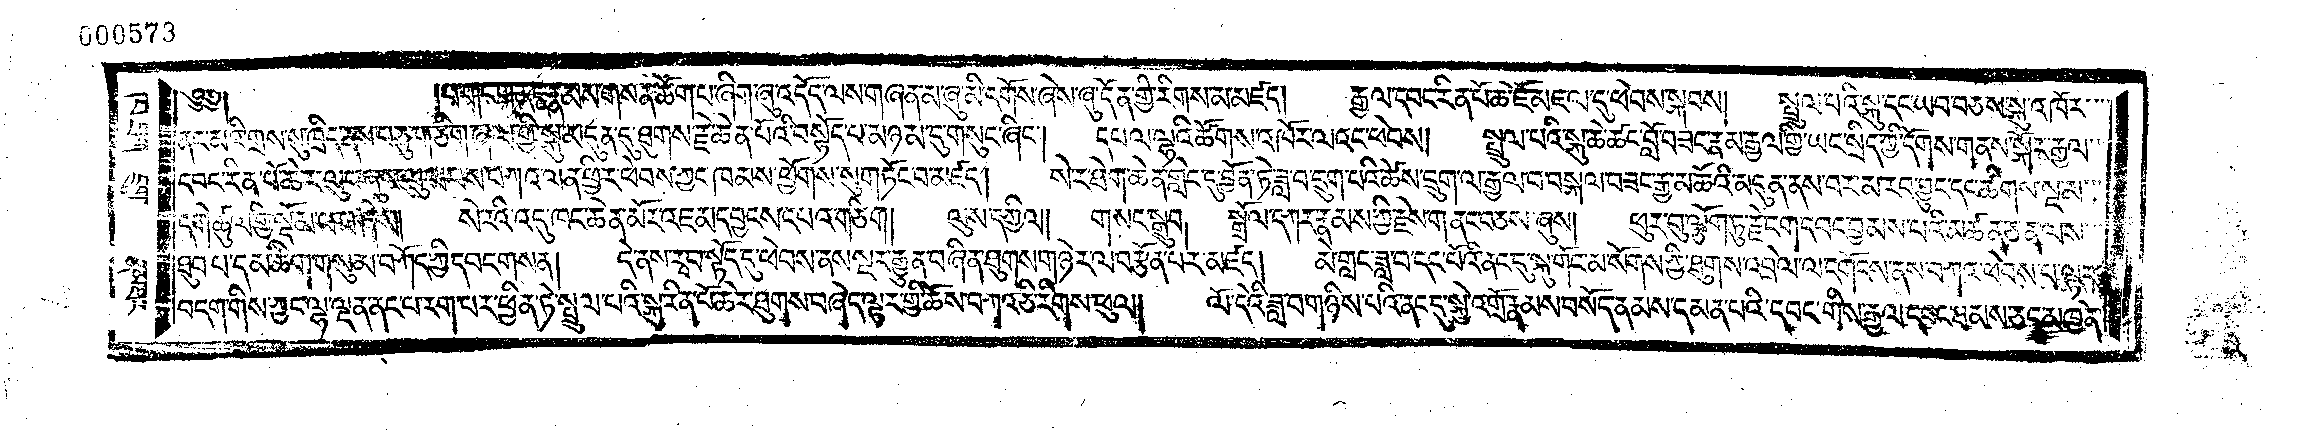༄༅། །པ་གང་གནང་རྣམས་གསན་ཆོག་པ་ཞིག་ཞུ་འདོད་ལས་གཞན་མ་ཞུ་མི་དགོས་ཞེས་ཞུ་དོན་གྱི་རིགས་མ་མཛད། རྒྱལ་དབང་རིན་པོ་ཆེ་ཇོ་མཇལ་དུ་ཕེབས་སྐབས། སྤྲུལ་པའི་སྐུ་དང་ཡབ་བཅས་སྐུ་འཁོར་
ནང་མའི་གྲས་སུ་ཁྲིད་ནས་བཅུ་གཅིག་ཞལ་གྱི་སྐུ་མདུན་དུ་ཐུགས་རྗེ་ཆེན་པོའི་བསྟོད་པ་མཉམ་དུ་གསུང་ཞིང་། དཔལ་ལྷའི་ཚོགས་འཁོར་ལའང་ཕེབས། སྤྲུལ་པའི་སྐུ་ཆེ་ཚང་བློ་བཟང་རྣམ་རྒྱལ་གྱི་ཡང་སྲིད་ཀྱི་དོགས་གནས་སྐོར་རྒྱལ་
དབང་རིན་པོ་ཆེར་ལུང་ཞུས་ཕུལ་བས་བཀའ་ལན་ཕྱིར་ཕེབས་ཀྱང་ཁམས་ཕྱོགས་སུ་གཏོང་བ་མཛད། སེ་རེ་ཐེག་ཆེན་གླིང་དུ་བྱོན་ཏེ་ཟླ་བ་དྲུག་པའི་ཚེས་དྲུག་ལ་རྒྱལ་བ་བསྐལ་བཟང་རྒྱ་མཚོའི་མདུན་ནས་བར་མ་རབ་བྱུང་དང་ཚིགས་སྡ་མ་
དགེ་ཚུལ་གྱི་སྡོམ་པ་བཞེས། སེ་རའི་འདུ་ཁང་ཆེན་མོར་འཇམ་དབྱངས་དཔའ་གཅིག། ལུས་དཀྱིལ། གསང་སྒྲུབ། སྒྲོལ་དཀར་རྣམས་ཀྱི་རྗེས་གནང་བཅས་ཞུས། ཕུར་བུ་ལྕོག་ཏུ་རྗེ་ངག་དབང་བྱམས་པའི་མཚན་ཅན་ལས་
ཐུབ་པ་དམ་ཚིག་གསུམ་བཀོད་ཀྱི་དབང་གསན། དེ་ནས་རྭ་བ་སྟོད་དུ་ཕེབས་ནས་སྔར་རྒྱུན་བཞིན་ཐུགས་གཉེར་ལ་བརྩོན་པར་མཛད། མེ་གླང་ཟླ་བ་དང་པོའི་ནང་དུ་སྐུ་གོང་མ་སོགས་ཀྱི་ཐུགས་འབྲེལ་ལ་དགོངས་ནས་བཀའ་ཕེབས་པ་ལྟར་
བདག་གིས་ཀྱང་ལྷ་ལྡན་ནང་པ་རག་པར་ཕྱིན་ཏེ་སྤྲུལ་པའི་སྐུ་རིན་པོ་ཆེར་ཐུགས་བཞེད་ལྟར་གྱི་ཆོས་བཀའ་ཅི་རིགས་ཕུལ། ལོ་དེའི་ཟླ་བ་གཉིས་པའི་ནང་དུ་སྐྱེ་འགྲོ་རྣམས་བསོད་ནམས་དམན་པའི་དབང་གིས་རྒྱལ་དབང་ཐམས་ཅད་མཁྱེན་